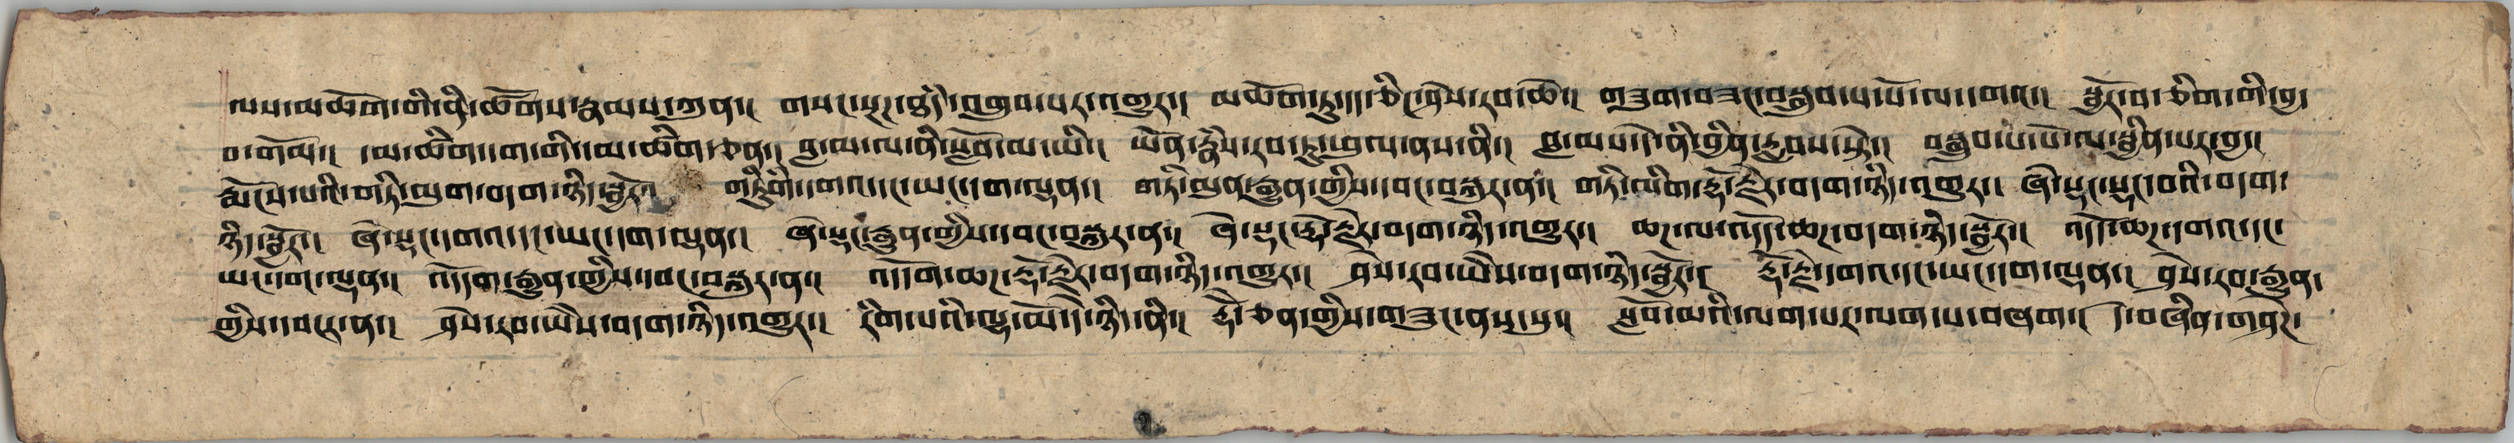ལས་མཆོག་གི་ནི་ཚོགས་རྣམས་ཀུན་། གསང་སྔཌ་ཐཾད་འགྲུབ་པར་འགྱུར་། མཆོག་ཏུ་དད་ཅིང་ཤེས་རབ་ཆེ་། གཟུག་བཟང་བསྒྲུབ་པ་པོ་ལ་དགའ་། སྦྱོར་བ་ཅིག་གི་བྱ་
བ་གོམ་། དམ་ཚིག་དག་གི་དམ་ཚིག་ཅན་། བླ་མ་ལ་ནི་སློབ་མ་ཡི་། ཡོན་རྣཾས་རབ་ཏུ་ཕུལ་ནས་ནི་། བླ་མས་དེ་ནི་བྱིན་རླབས་སྟེ་། བསྒྲུབ་པ་པོ་ལ་སྦྱིན་པར་བྱ་།
རྨོངས་པའི་གཏི་མུག་བདག་ཉིད་སྦྱོར་། གཏིུཾག་དགའ་དང་ཡང་དག་ལྡན་། གཏི་མུན་རྒྱུན་གྱིས་དབང་བསྐུར་ན་། གཏི་མིག་རྡོ་རྗེར་བདག་ཉིད་འགྱུར་། ཞེ་སྡང་སྡང་བའི་བདག་
ཉིད་སྦྱོར་། ཞེ་སྡང་དགའ་དང་ཡང་དག་ལྡན་། ཞེ་སྡང་རྒྱུན་གྱིས་དབང་བསྐུར་ན་། ཞེ་སྡང་རྡོ་རྗེར་བདག་ཉིད་འགྱུར་། ཆཌ་ལ་འདོད་ཆཌ་བདག་ཉིད་སྦྱོར་། འདདོད་ཆཌ་དགའ་དང་
ཡང་དག་ལྡན་། འདོདག་རྒྱུན་གྱིས་དབང་བསྐུར་ན་། འདོདག་ཆཌ་རྡོ་རྗེར་བདག་ཉིད་འགྱུར་། ཤེས་རབ་ཡཻས་བདག་ཉིད་སྦྱོར་། རྡོ་རྗེ་དགའ་དང་ཡང་དག་ལྡན་། ཤེས་རབ་རྒྱུན་
གྱིས་དབངར་ན་། ཤེས་རབ་ཡཻས་བདག་ཉིད་འགྱུར་། རིག་པའི་ལྷ་མོ་དེ་ཉིད་ནི་། རྡོེ་ཅན་གྱིས་གཟུང་ནས་སུ་། སློབ་མའི་ལག་པར་ལག་པ་བཞག་། དེ་བཞིན་གཤེཌ་